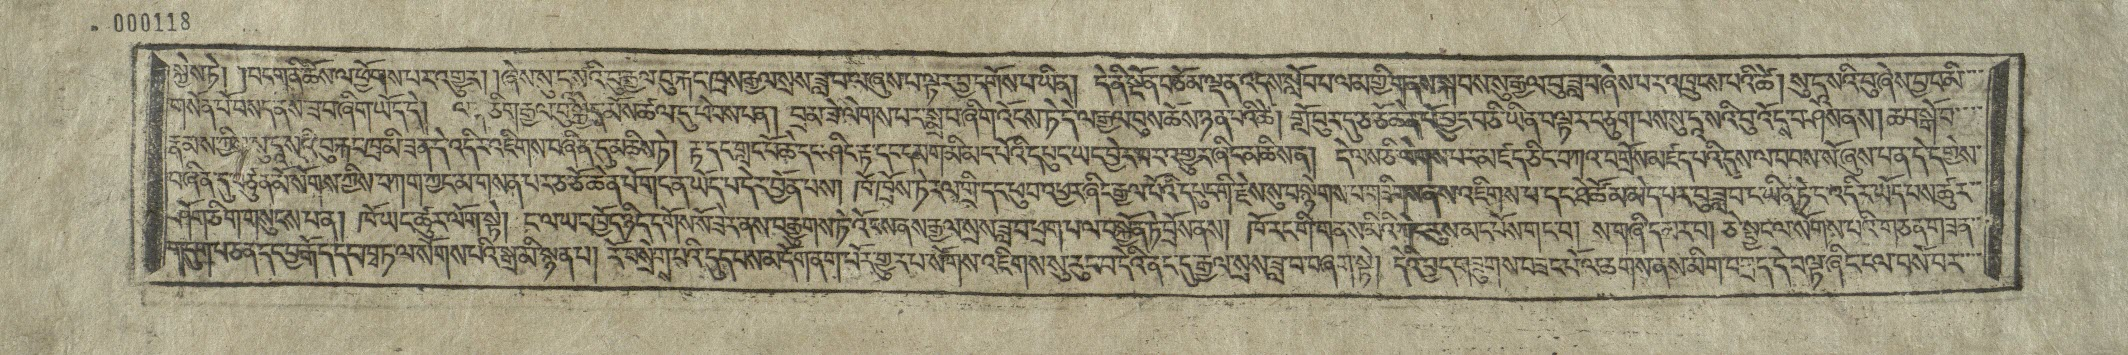སྐྱེས་ཏེ། །བདག་ནི་ཆོས་ལ་ཕྱོགས་པར་འགྱུར། །ཞེས་སུ་དཱ་སའི་བུ་རྒྱལ་བུ་རྐང་ཁྲས་རྒྱལ་སྲས་ཟླ་བ་ལ་ཞུས་པ་ལྟར་བྱ་དགོས་པ་ཡིན། དེ་ནི་སྔོན་བཅོམ་ལྡན་འདས་སློབ་པ་ལམ་གྱི་གནས་སྐབས་སུ་རྒྱལ་བུ་ཟླ་བ་ཞེས་པར་འཁྲུངས་པའི་ཚེ། སུ་དཱ་སའི་བུ་ཞེས་བྱ་བ་མི་
གསོན་པོ་བསད་ནས་ཟ་བ་ཞིག་ཡོད་དེ། ལན་ཅིག་རྒྱལ་བུ་སྐྱེད་མོས་ཚལ་དུ་ཕེབས་པ་ན། བྲམ་ཟེ་ལེགས་པར་སྨྲ་བ་ཞིག་འོངས་ཏེ་དེ་ལ་རྒྱལ་བུས་ཆོས་ཉན་པའི་ཚེ། གློ་བུར་དུ་ཅ་ཅོ་ཆེན་པོ་བྱུང་བ་ཅི་ཡིན་བལྟར་བཅུག་པས་སུ་དཱ་སའི་བུ་འོངས་བ་ཤེས་ནས། ཆབ་སྒོ་བ་
རྣམས་ཀྱིས་སུ་དཱ་སའི་བུ་རྐང་ཁྲ་མི་ཟན་དེ་འདིར་འཇིགས་བཞིན་དུ་མཆིས་ཏེ། རྟ་དང་གླང་པོ་ཆེ་དང་ཤིང་རྟ་དང་དམག་མི་མང་པོའི་དཔུང་ཡང་བྱེར་བར་འགྱུར་ཞིང་མཆིས་ན། དེ་ལས་ཅི་ལེགས་པར་མཛད་ཅིང་བཀའ་བགྲོས་མཛད་པའི་དུས་ལ་བབས་སོ་ཞུས་པ་ན་དེ་དགྱེས་
བཞིན་དུ་བཙུན་མོ་སོགས་ཀྱིས་བཀག་ཀྱང་མ་གསན་པར་ཅ་ཅོ་ཆེན་པོ་གང་ན་ཡོད་པ་དེར་བྱོན་པས། ཁོ་ཁྲོས་ཏེ་རལ་གྲི་དང་ཕུབ་འཕྱར་ཞིང་རྒྱལ་པོའི་དཔུང་གི་རྗེས་སུ་བསྙེགས་པ་གཟིགས་ནས་འཇིགས་པ་དང་ཐེ་ཚོམ་མེད་པར་བུ་ཟླ་བ་ང་ཡིན་ཏེ་ང་འདིར་ཡོད་པས་ཚུར་
ཤོག་ཅིག་གསུངས་པ་ན། ཁོ་ཡང་ཚུར་ལོག་སྟེ། ང་ལ་ཡང་ཁྱོད་ཉིད་དགོས་སོ་ཟེར་ནས་བརྒྱུགས་ཏེ་འོངས་ནས་རྒྱལ་སྲས་ཟླ་བ་ཕྲག་པ་ལ་བསྐྱོན་ཏེ་བྲོས་ནས། ཁོ་རང་གི་གནས་མིའི་ཀེང་རུས་མང་པོས་གང་བ། ས་གཞི་དམར་བ། ཅེ་སྤྱང་ལ་སོགས་པའི་གཅན་གཟན་
གདུག་པ་ཅན་དང་བྱ་རྒོད་དང་ཁྭ་ཏ་ལ་སོགས་པའི་སྒྲ་མི་སྙན་པ། རོ་བསྲེགས་པའི་དུད་པས་མདོག་ནག་པོར་གྱུར་པ་སོགས་འཇིགས་སུ་རུང་བ་དེའི་ནང་དུ་རྒྱལ་སྲས་ཟླ་བ་བཞག་སྟེ། དེའི་བྱད་གཟུགས་བཟང་པོ་ལ་ཆགས་ནས་མིག་བགྲད་དེ་བལྟ་ཞིང་ངལ་བསོ་བར་